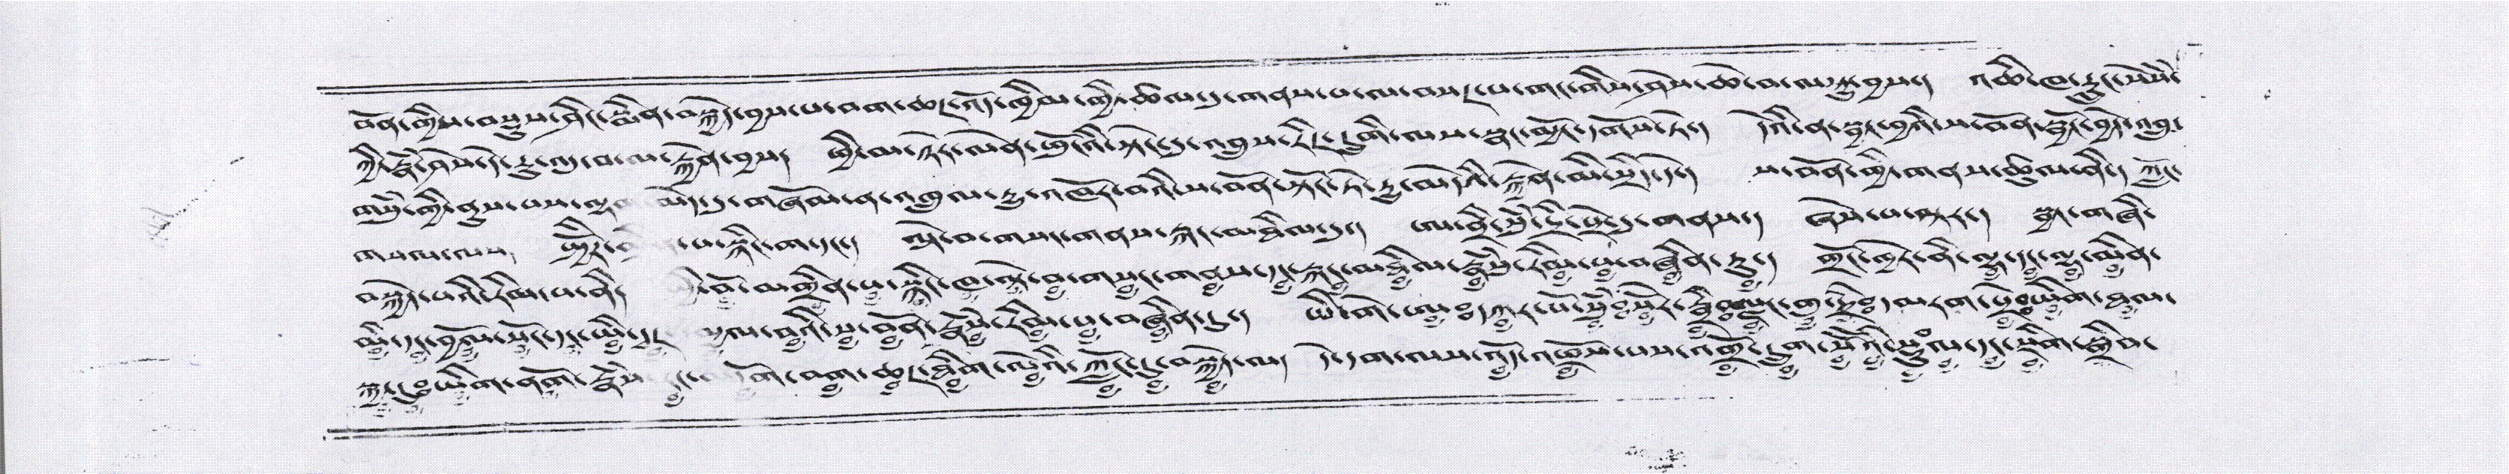བོན་གྱིས་བསྡུས་ཤིང་སྨིན་བསྐྱེད་བྱས་པ་བག་ཆགས་འོད་ཁྱིམ་གྱི་ཚལ་དུ་གནས་པ་ལ་བསགས་པ་གང་གི་ཤས་ཆེ་བ་ལ་རྒྱུ་བྱས། འཆི་ཁ་རླུང་སེམས་
ཀྱི་རྣམས་ཤེས་དེ་རུ་འདུ་བ་ལ་རྐྱེན་བྱས། ཕྱི་མ་ཉེར་ལེན་ཕུང་པོའི་སྟེང་དུ་འབྲས་བུ་རིགས་དྲུག་གི་ལས་སྣང་མྱོང་དགོས་ཏེ། དེས་ན་སྦྱང་བྱའི་ས་བོན་སྦྱོང་བྱེད་འབྲུ་
གསུམ་གྱི་ནུས་པས་ལྷག་མེད་དུ་གཞོམ་ན་འཁྲུལ་རྒྱུ་འཁོར་བའི་ས་བོན་སྟོང་སྟེ་རྒྱུ་མེད་པའི་རྐྱེན་མི་སྲིད་དེ། ས་བོན་གྱི་གནས་ཚུལ་ནི་ཀློང་
གསལ་ལས། སྤྱི་བོ་མགྲིན་པ་སྙིང་ག་དང་། ལྟེ་བ་གསང་གནས་རྐང་མཐིལ་དུ། པ་རྣྲི་སུཾ་ཏྲི་པྲེ་དུ་གནས། ཞེས་པ་ལྟར། སྦྱང་གཞི་
བསྐྱེད་པའི་རིམ་པ་ནི། སྤྱི་བོ་མགྲིན་པ་སྙིང་ཁ་གསང་གནས་དང་རྐང་མཐིལ་རྣམས་སུ་རིམ་པ་བཞིན་དུ། གྲོང་ཁྱེར་ནི་ལྷ་དང་ལྷ་མིན་
མི་དང་བྱོལ་སོང་ཡི་དྭགས་དམྱལ་བའི་ས་བོན་རྣམས་རིམ་པ་བཞིན་དུ། ཡི་གེ་ཨ་དཀར་པོ། སུམ་སེར་པོ། རྣྲི་ལྗང་གུ་ཏྲི་དམར་ནག་པྲེཿཡིག་ཐལ་
སྐྱ་དུ་ཡིག་ནག་པོ་རྣམས་རང་མདོག་བག་ཆགས་ཐིག་ལེའི་ཀློང་དུ་བསྐྱེད་ལ། དེ་དག་ལས་འོད་འཕྲོས་པས་འགྲོ་དྲུག་སོ་སོའི་སྡུག་བསྔལ་དང་སྡིག་སྒྲིབ་